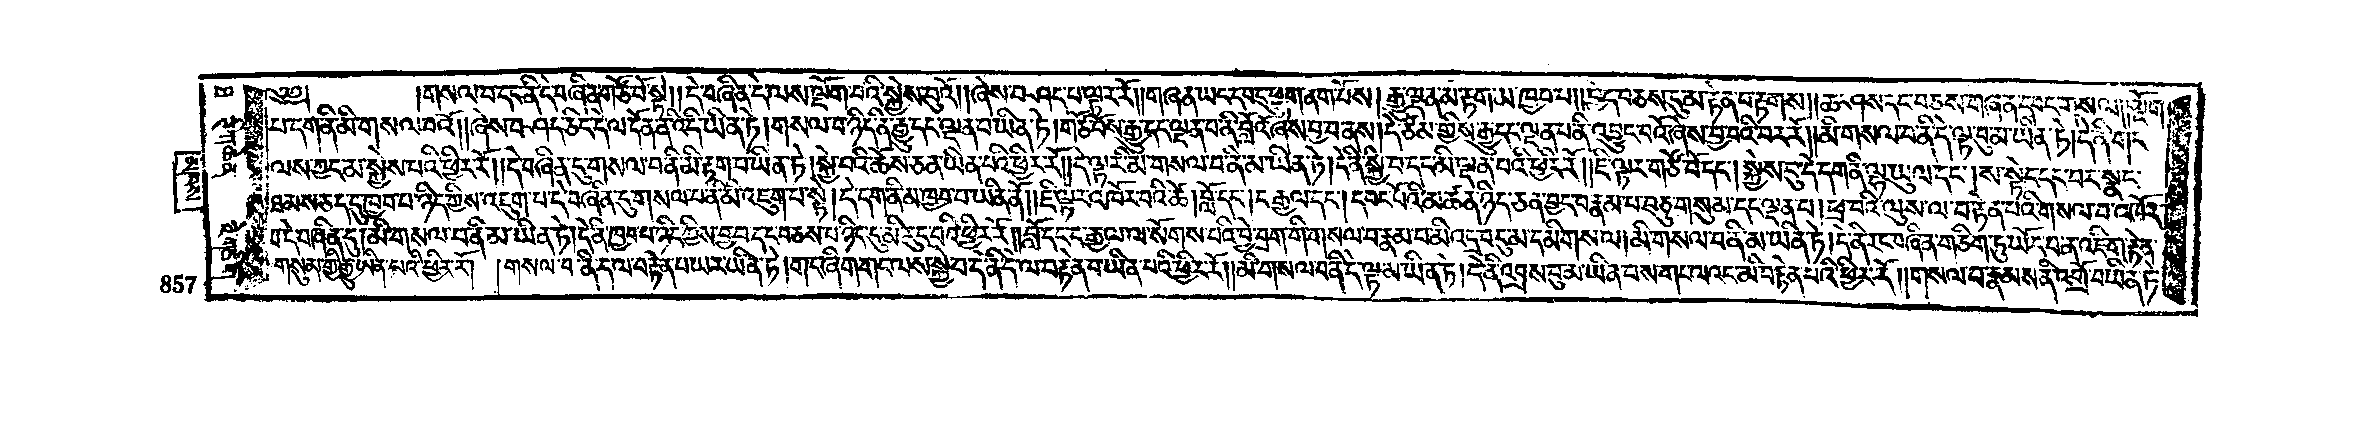༄༅། །གསལ་བ་དང་ནི་དེ་བཞིན་གཙོ་བོ་སྟེ། །དེ་བཞིན་དེ་ལས་ལྡོག་པའི་སྐྱེས་བུའོ། །ཞེས་བཤད་པ་ལྟར་རོ། །གཞན་ཡང་དབང་ཕྱུག་ནག་པོས། རྒྱུ་ལྡན་མ་རྟག་མ་ཁྱབ་པ། །བྱེད་བཅས་དུ་མ་རྟེན་པ་རྟགས། །ཆ་ཤས་དང་བཅས་གཞན་དབང་གསལ། །ལྡོག་
པ་དག་ནི་མི་གསལ་བའོ། །ཞེས་བཤད་ཅིང་དེ་ལ་དོན་ནི་འདི་ཡིན་ཏེ། གསལ་བ་ཉིད་ནི་རྒྱུ་དང་ལྡན་པ་ཡིན་ཏེ། གཙོ་བོས་རྒྱུ་དང་ལྡན་པ་ནི་བློའོ་ཞེས་བྱ་བ་ནས། དེ་ཙམ་གྱིས་རྒྱུ་དང་ལྡན་པ་ནི་འབྱུང་བའོ་ཞེས་བྱ་བའི་བར་རོ། །མི་གསལ་བ་ནི་དེ་ལྟ་བུ་མ་ཡིན་ཏེ། དེ་ནི་གང་
ལས་ཀྱང་མ་སྐྱེས་པའི་ཕྱིར་རོ། །དེ་བཞིན་དུ་གསལ་བ་ནི་མི་རྟག་པ་ཡིན་ཏེ། སྐྱེ་བའི་ཆོས་ཅན་ཡིན་པའི་ཕྱིར་རོ། །དེ་ལྟར་མི་གསལ་བ་ནི་མ་ཡིན་ཏེ། དེ་ནི་སྐྱེ་བ་དང་མི་ལྡན་པའི་ཕྱིར་རོ། །ཇི་ལྟར་གཙོ་བོ་དང་། སྐྱེས་བུ་དེ་དག་ནི་ལྷ་ཡུལ་དང་། ས་སྟེང་དང་བར་སྣང་
ཐམས་ཅད་དུ་ཁྱབ་པ་ཉིད་ཀྱིས་འཇུག་པ་དེ་བཞིན་དུ་གསལ་བ་ནི་མི་འཇུག་པ་སྟེ། དེ་དག་ནི་མ་ཁྱབ་པ་ཡིན་ནོ། །ཇི་ལྟར་འཁོར་བའི་ཚེ། བློ་དང་། ང་རྒྱལ་དང་། དབང་པོའི་མཚན་ཉིད་ཅན་བྱང་བ་རྣམ་པ་བཅུ་གསུམ་དང་ལྡན་པ། ཕྲ་བའི་ལུས་ལ་བརྟེན་པའི་གསལ་བ་འཁོར་
བ་དེ་བཞིན་དུ། མི་གསལ་བ་ནི་མ་ཡིན་ཏེ། དེ་ནི་ཁྱབ་པ་ཉིད་ཀྱིས་བྱ་བ་དང་བཅས་པ་ཉིད་དུ་མི་རུང་བའི་ཕྱིར་རོ། །བློ་དང་ང་རྒྱལ་ལ་སོགས་པའི་བྱེ་བྲག་གི་གསལ་བ་རྣམ་པ་མི་འདྲ་བ་དུ་མ་དམིགས་ལ། མི་གསལ་བ་ནི་མ་ཡིན་ཏེ། དེ་ནི་རང་བཞིན་གཅིག་ཏུ་ཡོད་པ་ན་འཇིག་རྟེན་
གསུམ་གྱི་རྒྱུ་ཡིན་པའི་ཕྱིར་རོ། །གསལ་བ་ནི་དེ་ལ་བརྟེན་པ་ཡང་ཡིན་ཏེ། གང་ཞིག་གང་ལས་སྐྱེ་བ་དེ་ནི་དེ་ལ་བརྟེན་པ་ཡིན་པའི་ཕྱིར་རོ། །མི་གསལ་བ་ནི་དེ་ལྟ་མ་ཡིན་ཏེ། དེ་ནི་འབྲས་བུ་མ་ཡིན་པས་གང་ལའང་མི་བརྟེན་པའི་ཕྱིར་རོ། །གསལ་བ་རྣམས་ནི་འགྲོ་བ་ཡིན་ཏེ་